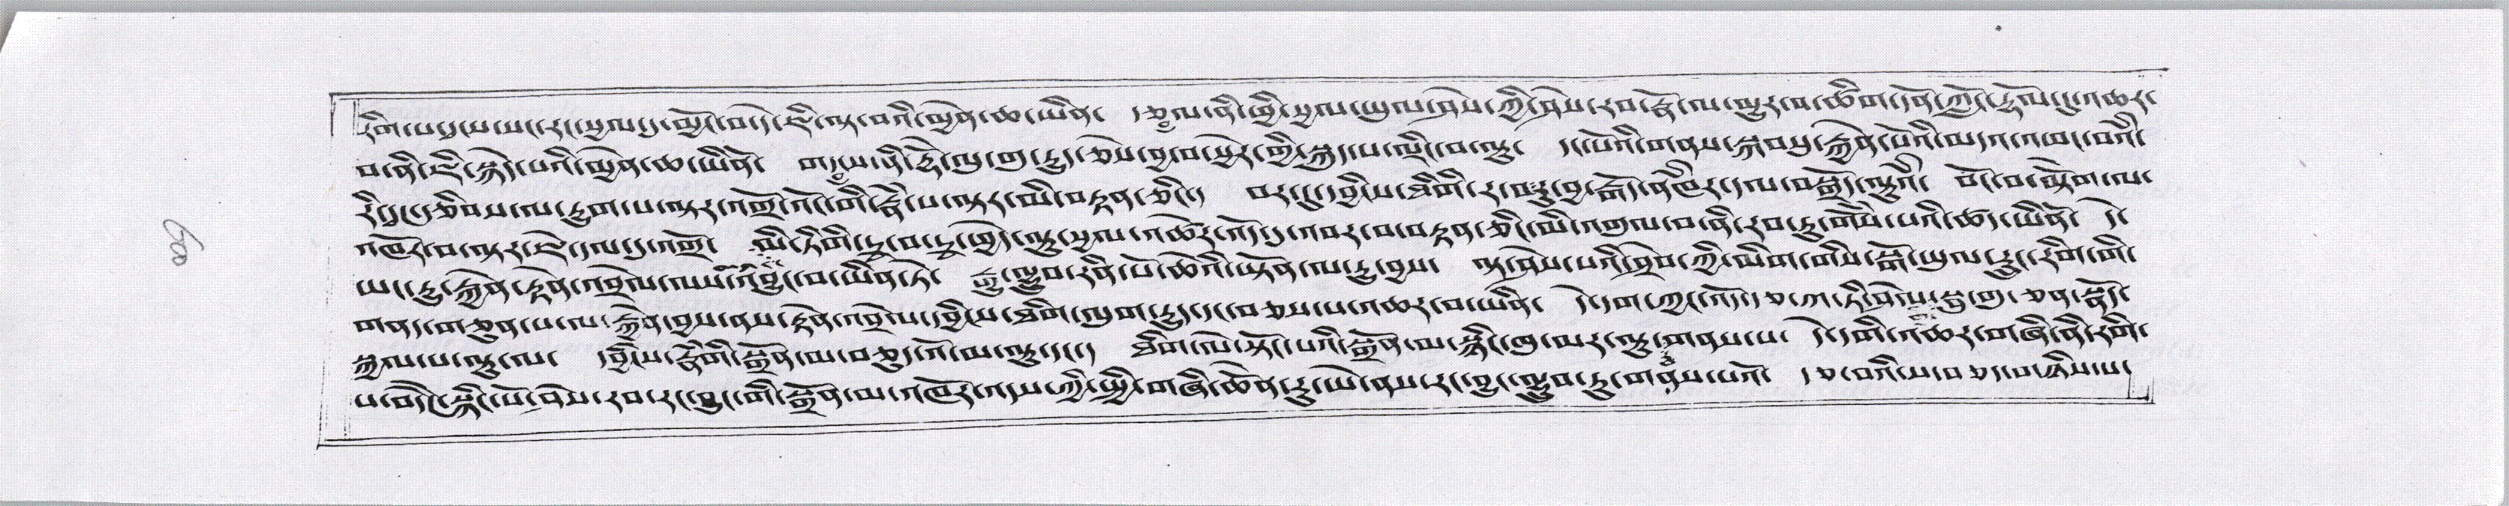རིག་པ་དྭངས་སངས་རང་གསལ་དུ་མྱོང་བ་དེ་ཇི་ལྟ་བའི་མཁྱེན་ཆ་ཡིན། རྩལ་ནི་ཕྱི་གསལ་ཡུལ་ཤེས་ཀྱི་ཤེས་རབ་རྣོ་ལ་མྱུར་བ་ཚིག་དོན་ཀློང་རྡོལ་དུ་འཆར་
བ་ནི་ཇི་སྙེད་པའི་མཁྱེན་ཆ་ཡིན་ནོ། གདངས་ནི་རྡོ་རྗེ་ལུ་གུ་རྒྱུད་ཅེས་བྱ་བ་གསེར་གྱི་སྐུད་པ་ལྡིང་བ་ལྟ་བུ། དང་པོའི་གནས་སྐབས་སུ་རྐྱེན་པོའི་མདའ་འཕང་བའམ། 
རི་དྭགས་རྩིབས་ལ་རྒྱུགས་པ་ལྟར། འགྲོ་འོང་གི་རྣམ་པ་ལྟར་མི་བརྟན་ཅིང་། བར་དུ་དབྱིངས་ཐིག་གི་རྭ་བ་རུ་བྱ་རྒོད་ནམ་མཁར་དལ་བགྲོད་ལྟ་བུའམ། བུང་བ་མེ་ཏོག་ལ་
འཁོར་བ་ལྟར་ཇེ་དལ་དུ་འགྲོ། མཐར་མུ་ཏིག་གི་དྲྭ་བ་དྲྭ་ཕྱེད་ལྟ་བུ་གསལ་འཚེར་འོད་དུ་འབརན་བ་བརྟན་ཅིང་མི་འགུལ་བ་ནི་རབ་ཏུ་གོམས་པའི་ཚད་ཡིན་ནོ། དེ་
ཡང་རྒྱུ་རྐྱེན་རྟེན་འབྲེལ་ལས་འབྱུང་བ་ཡིན་ཏེ། རྒྱུ་ལྷུན་གྲུབ་རིན་པོ་ཆེའི་ཡོན་ཏན་ལ་རྒྱུ་བྱས། ལྟ་ཤེས་པའི་ཤེས་རབ་ཀྱི་མིག་གིས་སྒོ་ཡུལ་རླུང་རིག་གི་
གནད་གཅུན་པ་ལ་རྐྱེན་བྱས་ནས་རྟེན་འབྲེལ་དབྱིངས་ཐིག་ལུག་རྒྱུད་དང་བཅས་པ་འཆར་བ་ཡིན། དེ་དག་ཀྱང་འོད་ཙ་ཀ་ཏི་ཤེལ་གྱི་སྦུ་གུ་ཅན་སྣོད་
རྐྱལ་པ་ལྟ་བུ་ལ། དབྱིངས་རྣམ་དག་གི་སྒྲོན་མ་བཅུད་འོ་མ་ལྟ་བུ་དང་། ཐིག་ལེ་སྟོང་པའི་སྒྲོན་མ་སྙིང་ཁུ་མར་ལྟ་བུ་གནས་པ། དེ་དག་གི་འཆར་གཞི་ནི་རིག་
པ་བདེར་གཤེགས་སྙིང་པོ་ཤེས་རབ་རང་བྱུང་གི་སྒྲོན་མ་འཁོར་འདས་ཀྱི་སྤྱི་གཞི་ཆེན་པོ་རུ་ཡེ་ནས་རང་བྱུང་ལྷུན་གྲུབ་ཏུ་གནས་པའོ། །རྩ་བའི་ས་བཅད་གཉིས་པ་